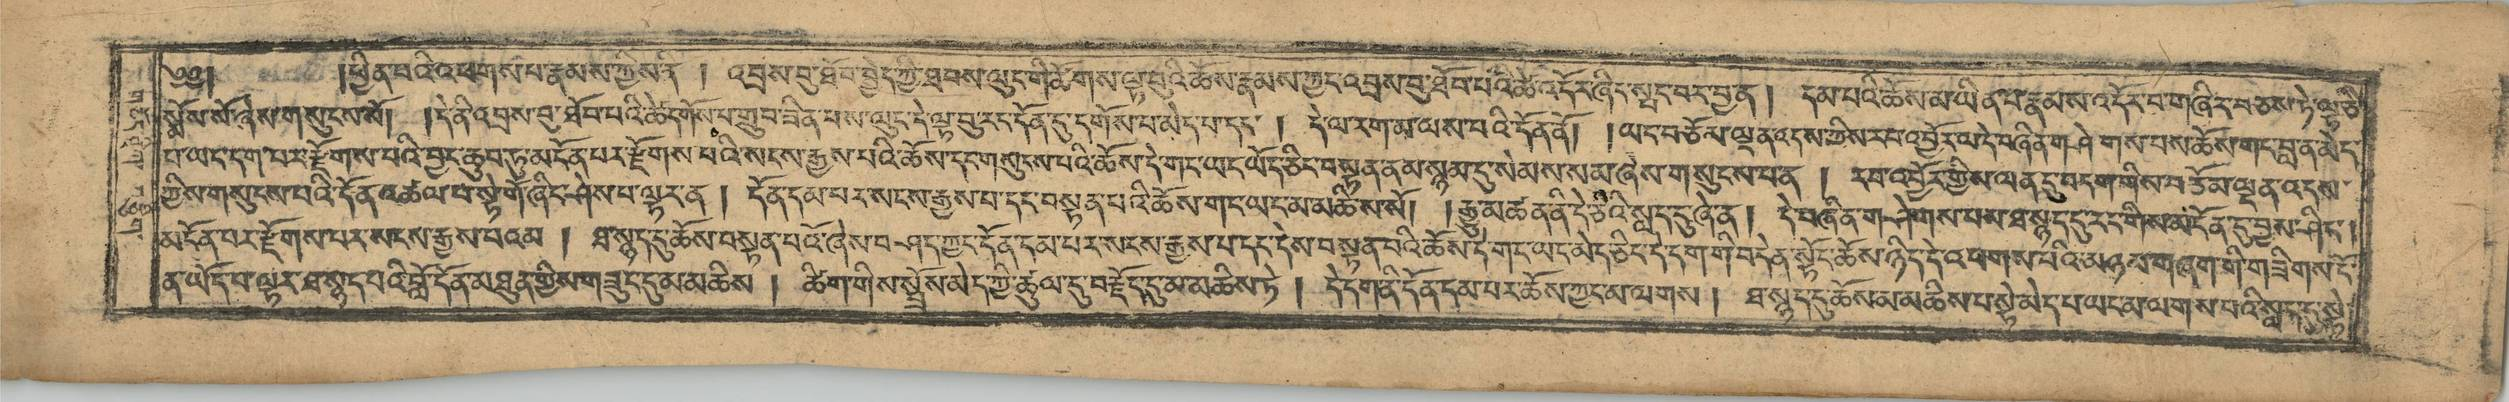༄༅། །ཕྱིན་པའི་འཕགས་པ་རྣམས་ཀྱིས་ནི། འབྲས་བུ་ཐོབ་བྱེད་ཀྱི་ཐབས་ལུང་གི་ཚོགས་ལྟ་བུའི་ཆོས་རྣམས་ཀྱང་འབྲས་བུ་ཐོབ་པའི་ཚེ་འདོར་ཞིང་སྤང་བར་བྱ་ན། དམ་པའི་ཆོས་མ་ཡིན་པ་རྣམས་འདོར་བ་གཞིར་བཅས་ཏེ་ལྟ་ཅི་
སྨོས་སོ་ཞེས་གསུངས་སོ། །དེ་ནི་འབྲས་བུ་ཐོབ་པའི་ཚེ་དགོས་པ་གྲུབ་ཟིན་པས་ལུང་དེ་ལྟ་བུ་རང་དོན་དུ་དགོས་པ་མེད་པ་དང་། དེ་ལ་རག་མ་ལས་པའི་དོན་ནོ། །ཡང་བཅོམ་ལྡན་འདས་ཀྱིས་རབ་འབྱོར་ལ་དེ་བཞིན་གཤེགས་པས་ཆོས་གང་བླ་ན་མེད་
པ་ཡང་དག་པར་རྫོགས་པའི་བྱང་ཆུབ་ཏུ་མངོན་པར་རྫོགས་པའི་སངས་རྒྱས་པའི་ཆོས་དང་གསུངས་པའི་ཆོས་དེ་གང་ཡང་ཡོད་ཅིང་བསྟན་ནམ་སྙམ་དུ་སེམས་སམ་ཞེས་གསུངས་པ་ན། རབ་འབྱོར་གྱིས་ལན་དུ་བདག་གིས་བཅོམ་ལྡན་འདས་
ཀྱིས་གསུངས་པའི་དོན་འཚལ་བ་སྟེ་གོ་ཞིང་ཤེས་པ་ལྟར་ན། དོན་དམ་པར་སངས་རྒྱས་པ་དང་བསྟན་པའི་ཆོས་གང་ཡང་མ་མཆིས་སོ། །རྒྱུ་མཚན་ནི་དེ་ཅིའི་སླད་དུ་ཞེ་ན། དེ་བཞིན་གཤེགས་པས་ཐ་སྙད་དུ་རང་གིས་མངོན་དུ་བྱས་ཤིང་།
མངོན་པར་རྫོགས་པར་སངས་རྒྱས་པའམ། ཐ་སྙད་དུ་ཆོས་བསྟན་པའོ་ཞེས་བཤད་ཀྱང་དོན་དམ་པར་སངས་རྒྱས་པ་དང་དེས་བསྟན་པའི་ཆོས་དེ་གང་ཡང་མེད་ཅིང་དེ་དག་གི་བདེན་སྟོང་ཆོས་ཉིད་དེ་འཕགས་པའི་མཉམ་གཞག་གི་གཟིགས་ངོ་
ན་ཡོད་པ་ལྟར་ཐ་སྙད་པའི་བློ་དོན་མཐུན་གྱིས་གཟུང་དུ་མ་མཆིས། ཚིག་གིས་སྤྲོས་མེད་ཀྱི་ཚུལ་དུ་བརྗོད་དུ་མ་མཆིས་ཏེ། དེ་དག་ནི་དོན་དམ་པར་ཆོས་ཀྱང་མ་ལགས། ཐ་སྙད་དུ་ཆོས་མ་མཆིས་ལ་སྟེ་མེད་པ་ཡང་མ་ལགས་པའི་སླད་དུ་སྟེ་